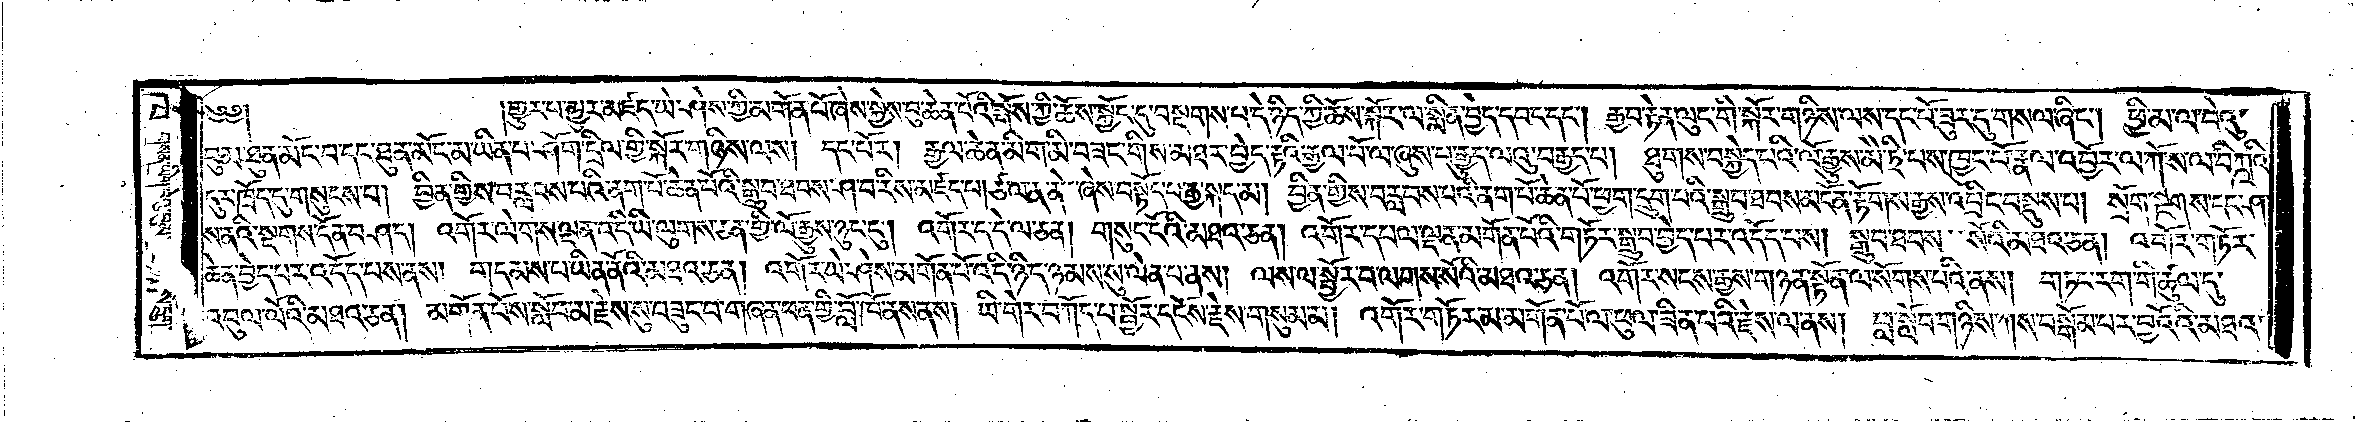༄༅། །གྱུར་པ་མྱུར་མཛད་ཡེ་ཤེས་ཀྱི་མགོན་པོ་ཞེས་སྐྱེས་བུ་ཆེན་པོའི་སྒོས་ཀྱི་ཆོས་སྐྱོང་དུ་བསྔགས་པ་དེ་ཉིད་ཀྱི་ཆོས་སྐོར་ལ་སྨིན་བྱེད་དབང་དང་། རྒྱབ་རྟེན་ལུང་གི་སྐོར་གཉིས་ལས་དང་པོ་ཟུར་དུ་གསལ་ཞིང་། ཕྱི་མ་ལ་བེའུ་
བུམ་ཐུན་མོང་བ་དང་ཐུན་མོང་མ་ཡིན་པ་ཤོག་དྲིལ་གྱི་སྐོར་གཉིས་ལས། དང་པོར། རྒྱལ་ཆེན་མིག་མི་བཟང་གིས་མཐར་བྱེད་རྟའི་རྒྱལ་པོ་ལ་ཞུས་པ་རྒྱུད་ལའུ་བརྒྱད་པ། ཐུགས་བསྐྱེད་པའི་ལོ་རྒྱུས་མཻ་ཏྲི་པས་ཁྱུང་པོ་རྣལ་འབྱོར་ལ་ཀོ་ས་ལ་བིཀྵའི་
དུར་ཁྲོད་དུ་གསུངས་པ། བྱིན་གྱིས་བརླབས་པའི་ནག་པོ་ཆེན་པོའི་སྒྲུབ་ཐབས་ཤ་བ་རིས་མཛད་པ། ཙ་ལན་ནེ་ཞེས་བསྟོད་པ་རྒྱ་སྐད་མ། བྱིན་གྱིས་བརླབས་པའི་ནག་པོ་ཆེན་པོ་ཕྱག་དྲུག་པའི་སྒྲུབ་ཐབས་མངོན་རྟོགས་རྒྱས་འབྲིང་བསྡུས་པ། སྲོག་སྔགས་དང་ཤ་
ས་ནའི་སྔགས་དོན་བཤད། འགོར་ལེགས་ལྡན་འདི་ཡི་ལུགས་ཅན་གྱི་ལོ་རྒྱུས་ཉུང་ངུ། འགོར་དེ་དེ་ལ་ཅན། གསུང་ངོའི་མཐའ་ཅན། འགོར་དཔལ་ལྡན་མགོན་པོའི་གཏོར་སྒྲུབ་བྱེད་པར་འདོད་པས། སྒྲུབ་ཐབས་སོའི་མཐའ་ཅན། འགོར་གཏོར་
ཆེན་བྱེད་པར་འདོད་པས་ནས། གདམས་པ་ཡིན་ནོའི་མཐའ་ཅན། འགོར་ཡེ་ཤེས་མགོན་པོ་འདི་ཉིད་ཉམས་སུ་ལེན་པ་ནས། ལས་ལ་སྦྱོར་བ་ལགས་སོའི་མཐའ་ཅན། འགོར་སངས་རྒྱས་གཉན་སྟོན་ལ་སོགས་པའི་ནས། གཏང་རག་གི་ཚུལ་དུ་
འབུལ་ལོའི་མཐའ་ཅན། མགོན་པོས་སློབ་མ་རྗེས་སུ་བཟུང་བ་གཞན་ཕན་གྱི་བློ་ཁོ་ནས་ནས། ཡི་གེར་བཀོད་པ་སྦྱོར་དངོས་རྗེས་གསུམ་མ། འགོར་གཏོར་མ་མགོན་པོ་ལ་ཕུལ་ཟིན་པའི་རྗེས་ལ་ནས། བླ་སློབ་གཉིས་ཀས་བསྒོམ་པར་བྱའོའི་མཐའ་